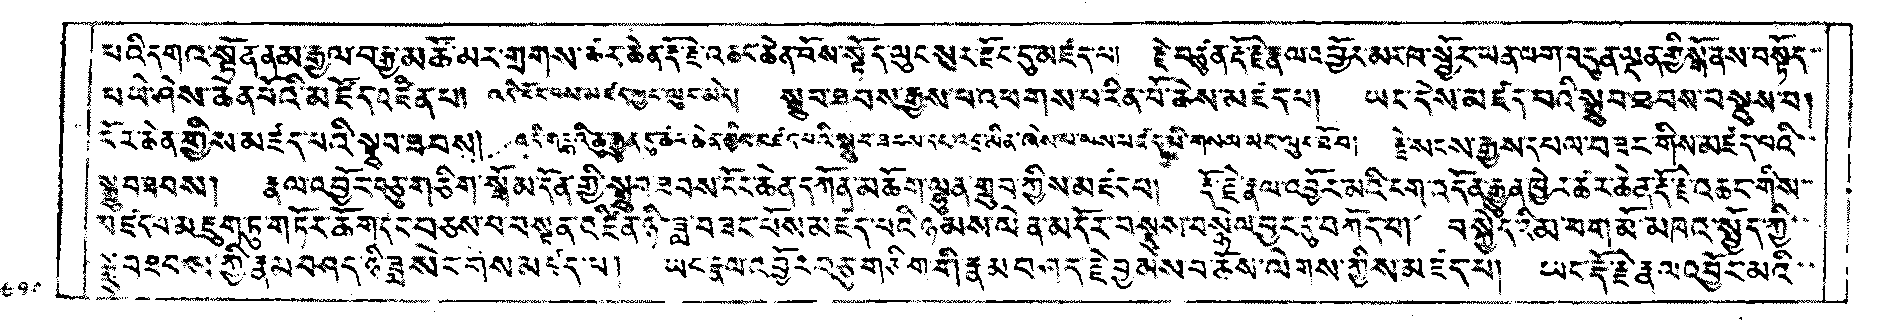པའི་དགའ་སྟོན་ནམ་རྒྱལ་བ་རྒྱ་མཚོ་མར་གྲགས་ཚར་ཆེན་རྡོ་རྗེ་འཆང་ཆེན་པོས་སྟོད་ལུང་སྤར་རྫོང་དུ་མཛད་པ། རྗེ་བཙུན་རྡོ་རྗེ་རྣལ་འབྱོར་མར་ཁ་སྦྱོར་ཡན་ལག་བདུན་ལྡན་གྱི་སྒོ་ནས་བསྟོད་
པ་ཡེ་ཤེས་ཆེན་པོའི་མཛོད་འཛིན་པ། འདི་ངོར་པས་མཛད་ཀྱང་ལུང་མེད།  སྒྲུབ་ཐབས་རྒྱས་པ་འཕགས་པ་རིན་པོ་ཆེས་མཛད་པ། ཡང་དེས་མཛད་པའི་སྒྲུབ་ཐབས་བསྡུས་པ།
ངོར་ཆེན་གྱིས་མཛད་པའི་སྒྲུབ་ཐབས། འདི་གངྒའི་ཆུ་རྒྱུན་དུ་ཚར་ཆེན་གྱིས་མཛད་པའི་སྒྲུབ་ཐབས་དང་འདྲ་མིན་ཞེས་པ་ལས་མཛད་བྱང་མི་གསལ་ཡང་ལུང་ཐོབ།  རྗེ་སངས་རྒྱས་དཔལ་བཟང་གིས་མཛད་པའི་
སྒྲུབ་ཐབས། རྣལ་འབྱོར་བཅུ་གཅིག་སྒོམ་དོན་གྱི་སྒྲུབ་ཐབས་ངོར་ཆེན་དཀོན་མཆྒོ་ལྷུན་གྲུབ་ཀྱིས་མཛད་པ། རྡོ་རྗེ་རྣལ་འབྱོར་མའི་ངག་འདོན་རྒྱུན་ཁྱེར་ཚར་ཆེན་རྡོ་རྗེ་འཆང་གིས་
མཛད་པ་མཇུག་ཏུ་གཏོར་ཆོག་དང་བཅས་པ་བསྟན་འཛིན་ཉི་ཟླ་བཟང་པོས་མཛད་པའི་ཉམས་ལེན་མདོར་བསྡུས་བསྙེལ་བྱང་དུ་བཀོད་པ། བསྐྱེད་རིམ་ཕག་མོ་མཁའ་སྤྱོད་ཀྱི་
སྒྲུབ་ཐབས་ཀྱི་རྣམ་བཤད་ཉི་ཟླ་སེང་གེས་མཛད་པ། ཡང་རྣལ་འབྱོར་བཅུ་གཅིག་གི་རྣམ་བཤད་རྗེ་བྱམས་པ་ཆོས་ལེགས་ཀྱིས་མཛད་པ། ཡང་རྡོ་རྗེ་རྣལ་འབྱོར་མའི་